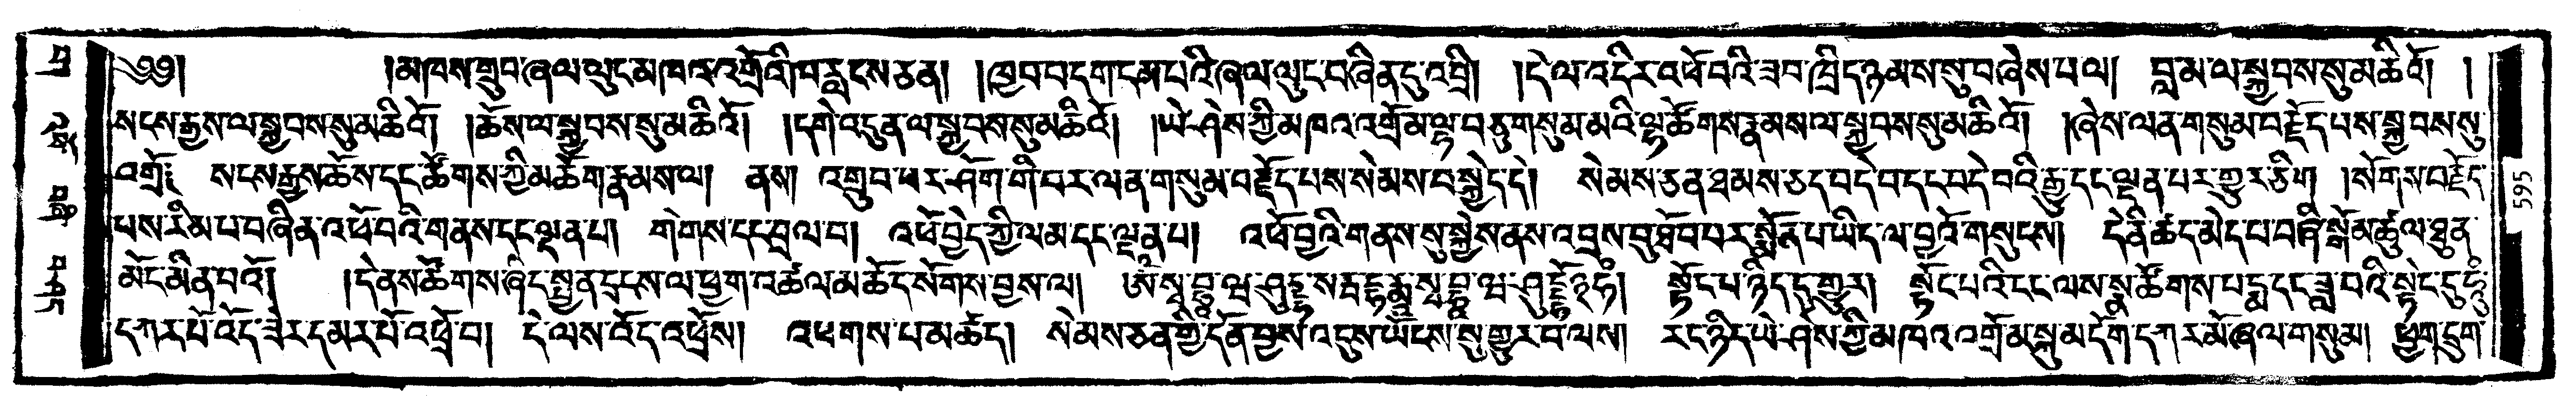༄༅། །མཁས་གྲུབ་ཞལ་ལུང་མཁའ་འགྲོའི་ཁ་རླངས་ཅན། །ཁྱབ་བདག་དམ་པའི་ཞལ་ལུང་བཞིན་དུ་འབྲི། །དེ་ལ་འདིར་འཕོ་བའི་ཟབ་ཁྲིད་ཉམས་སུ་བཞེས་པ་ལ། བླ་མ་ལ་སྐྱབས་སུ་མཆིའོ། །
སངས་རྒྱས་ལ་སྐྱབས་སུ་མཆིའོ། །ཆོས་ལ་སྐྱབས་སུ་མཆིའོ། །དགེ་འདུན་ལ་སྐྱབས་སུ་མཆིའོ། །ཡེ་ཤེས་ཀྱི་མཁའ་འགྲོ་མ་ལྷ་བཅུ་གསུམ་མའི་ལྷ་ཚོགས་རྣམས་ལ་སྐྱབས་སུ་མཆིའོ། །ཞེས་ལན་གསུམ་བརྗོད་པས་སྐྱབས་སུ་
འགྲོ༑ སངས་རྒྱས་ཆོས་དང་ཚོགས་ཀྱི་མཆོག་རྣམས་ལ། ནས། འགྲུབ་པར་ཤོག་གི་བར་ལན་གསུམ་བརྗོད་པས་སེམས་བསྐྱེད་དེ། སེམས་ཅན་ཐམས་ཅད་བདེ་བ་དང་བདེ་བའི་རྒྱུ་དང་ལྡན་པར་གྱུར་ཅིག །སོགས་བརྗོད་
པས་རིམ་པ་བཞིན་འཕོ་བའི་གནས་དང་ལྡན་པ། གེགས་དང་བྲལ་བ། འཕོ་བྱེད་ཀྱི་ལམ་དང་ལྡན་པ། འཕོ་བྱའི་གནས་སུ་སྐྱེས་ནས་འབྲས་བུ་ཐོབ་པར་སྨོན་པ་ཡིད་ལ་བྱའོ་གསུངས། དེ་ནི་ཚད་མེད་པ་བཞི་སྒོམ་ཚུལ་ཐུན་
མོང་མིན་པའོ། །དེ་ནས་ཚོགས་ཞིང་སྤྱན་དྲངས་ལ་ཕྱག་འཚལ་མཆོད་སོགས་བྱས་ལ། ཨོཾ་སྭ་བྷཱ་ཝ་ཤུདྡྷ་སརྦ་དྷརྨཱ་སྭ་བྷཱ་ཝ་ཤུདྡྷོཉཧཾ། སྟོང་པ་ཉིད་དུ་གྱུར། སྟོང་པའི་ངང་ལས་སྣ་ཚོགས་པདམ་དང་ཟླ་བའི་སྟེང་དུ་ཧཱུཾ་
དཀར་པོ་འོད་ཟེར་དམར་པོ་འཕྲོ་བ། དེ་ལས་འོད་འཕྲོས། འཕགས་པ་མཆོད། སེམས་ཅན་གྱི་དོན་བྱས་འདུས་ཡོངས་སུ་གྱུར་པ་ལས། རང་ཉིད་ཡེ་ཤེས་ཀྱི་མཁའ་འགྲོ་མ་སྐུ་མདོག་དཀར་མོ་ཞལ་གསུམ། ཕྱག་དྲུག་